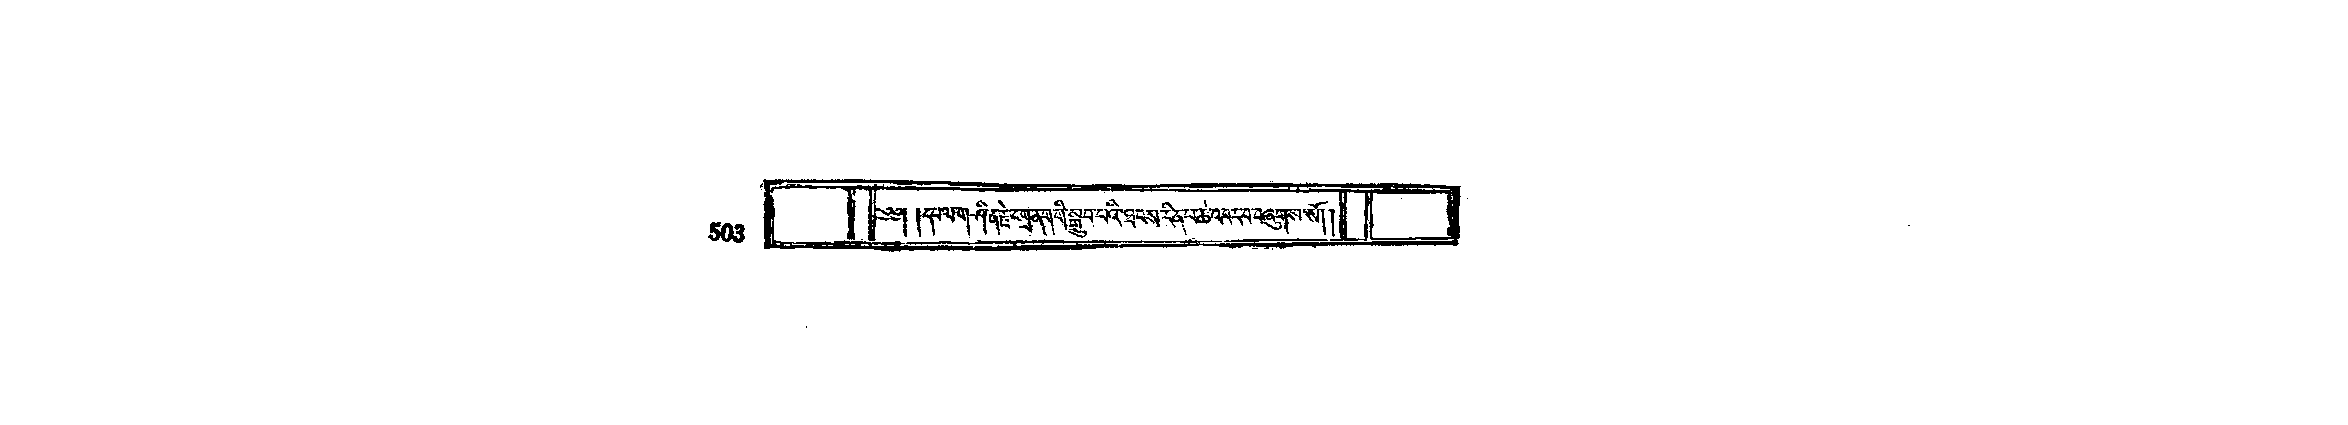༄༅། །དཔལ་གཤིན་རྗེ་དགྲ་ནག་གི་སྒྲུབ་པའི་ཐབས་རིན་པོ་ཆེ་འབར་བ་བཞུགས་སོ། །